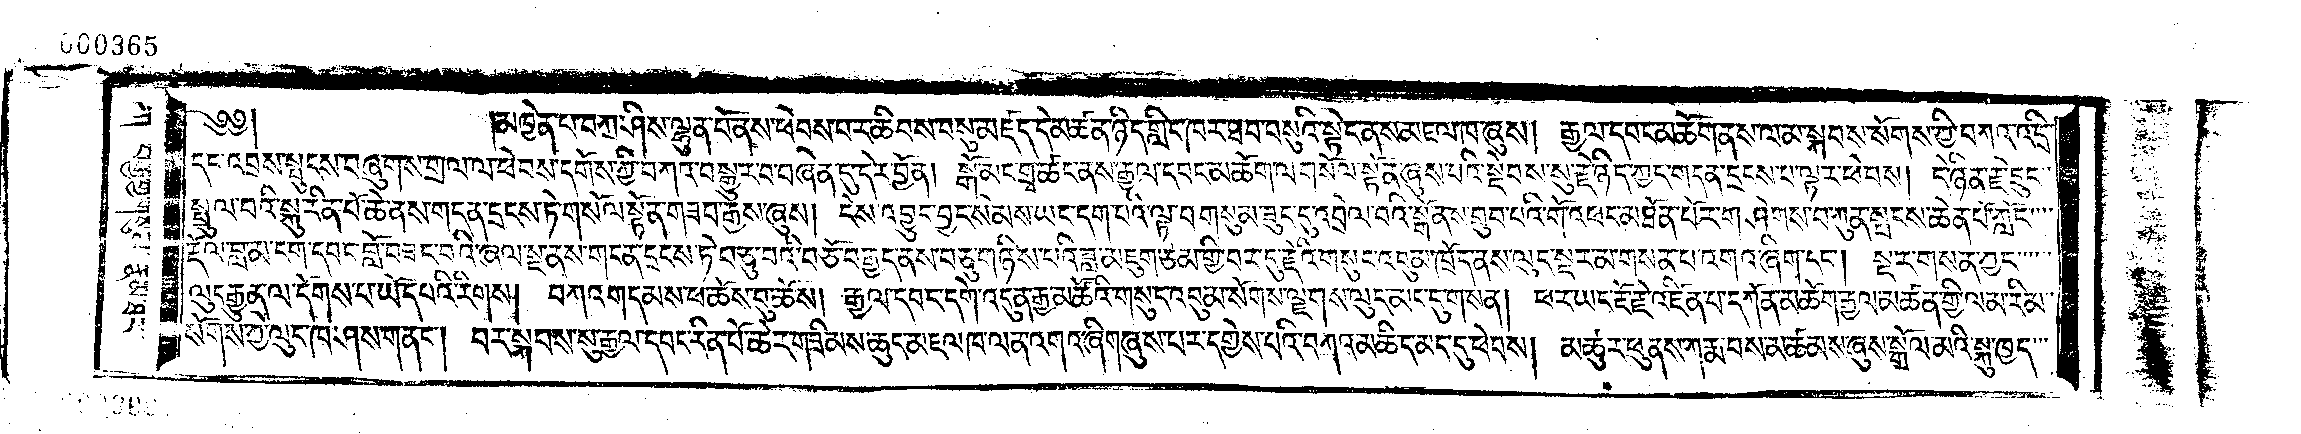༄༅། །མཁྱེན་པ་བཀྲ་ཤིས་ལྷུན་པོ་ནས་ཕེབས་པར་ཆིབས་བསུ་མཛད་དེ་མཚན་ཉིད་གླིང་ཁར་ཐབ་བསུའི་སྟེང་ནས་མཇལ་ཁ་ཞུས། རྒྱལ་དབང་མཆོག་ནས་ལམ་སྐབས་སོགས་ཀྱི་བཀའ་འདྲི་
དང་འབྲས་སྤུངས་བཞུགས་གྲལ་ལ་ཕེབས་དགོས་ཀྱི་བཀའ་བསྒྱུར་བ་བཞིན་དུ་དེར་བྱོན། སྒོ་མང་གྲྭ་ཚང་ནས་རྒྱལ་དབང་མཆོག་ལ་གསོལ་སྟོན་ཞུས་པའི་སྡེ་པས་སུ་རྗེ་ཉིད་ཀྱང་གདན་དྲངས་པ་ལྟར་ཕེབས། དེ་ཉིན་རྗེ་དྲུང་
སྤྲུལ་པའི་སྐུ་རིན་པོ་ཆེ་ནས་གདན་དྲངས་ཏེ་གསོལ་སྟོན་གཟབ་རྒྱས་ཞུས། ངེས་འབྱུང་བྱང་སེམས་ཡང་དག་པའི་ལྟ་པ་གསུམ་ཟུང་དུ་འབྲེལ་བའི་སྒོ་ནས་གྲུབ་པའི་གོ་འཕང་མཐོན་པོར་གཤེགས་པ་ཀུན་སྤངས་ཆེན་པོ་ཀློང་
རྡོལ་བླ་མ་ངག་དབང་བློ་བཟང་བའི་ཞལ་སྔ་ནས་གདན་དྲངས་ཏེ་བཅུ་པའི་བཅོ་བརྒྱད་ནས་བཅུ་གཉིས་པའི་ཟླ་མཇུག་ཙམ་གྱི་བར་དུ་རྗེའི་གསུང་འབུམ་ཁྲོད་ནས་ལུང་སྔར་མ་གསན་པ་འགའ་ཞིག་དང་། སྔར་གསན་ཀྱང་
ལུང་རྒྱུན་ལ་དོགས་པ་ཡོད་པའི་རིགས། བཀའ་གདམས་ཕ་ཆོས་བུ་ཆོས། རྒྱལ་དབང་དགེ་འདུན་རྒྱ་མཚོའི་གསུང་འབུམ་སོགས་ལྗགས་ལུང་མང་དུ་གསན། ཕར་ཡང་རྡོ་རྗེ་འཛིན་པ་དཀོན་མཆོག་རྒྱལ་མཚན་གྱི་ལམ་རིམ་
སོགས་ཀྱི་ལུང་ཁ་ཤས་གནང་། བར་སྐབས་སུ་རྒྱལ་དབང་རིན་པོ་ཆེར་གཟིམས་ཆུང་མཇལ་ཁ་ལན་འགའ་ཞིག་ཞུས་པར་དགྱེས་པའི་བཀའ་མཆིད་མང་དུ་ཕེབས། མཚུར་ཕུ་ནས་ཀརྨ་བས་མཚམས་ཞུས་སྒྲོལ་མའི་སྐུ་ཁྱད་